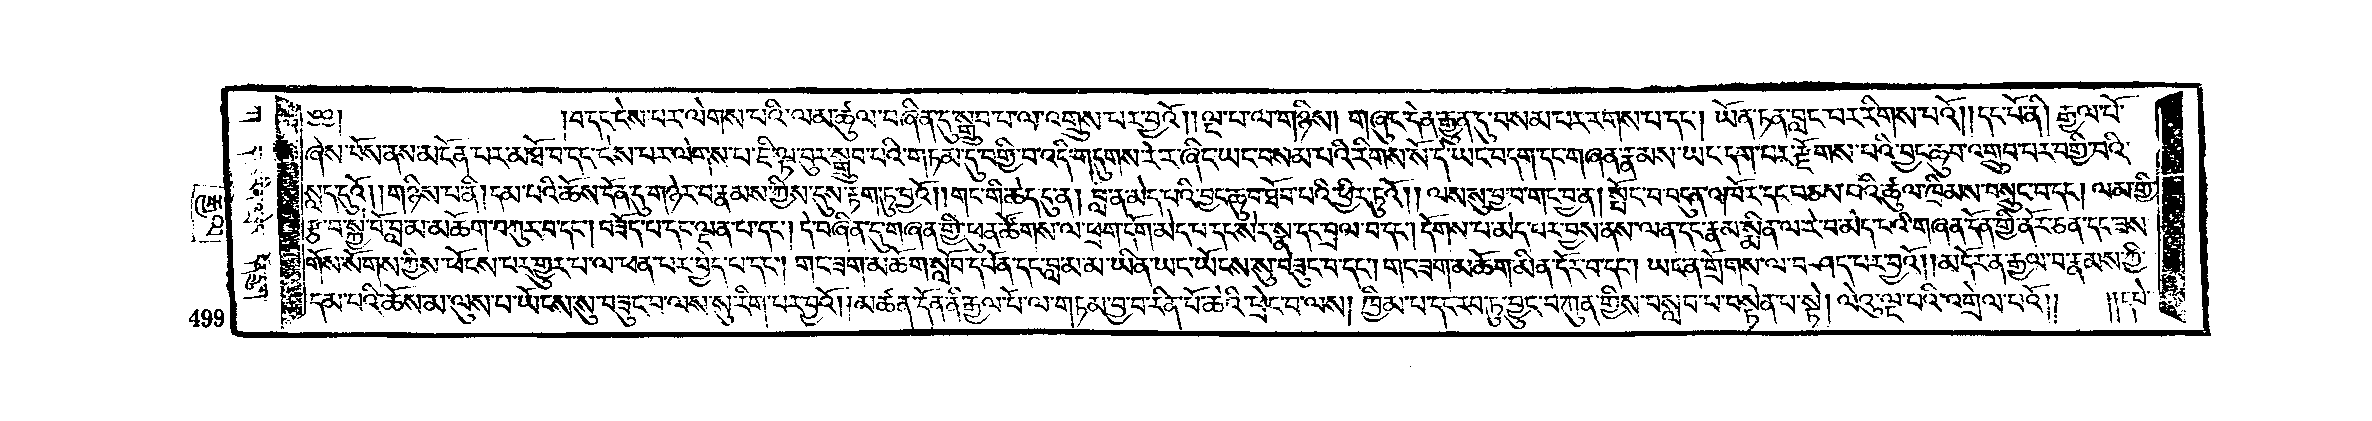༄༅། །བ་དང་ངེས་པར་ལེགས་པའི་ལམ་ཚུལ་བཞིན་དུ་སྒྲུབ་པ་ལ་འགྲུབ་པར་བྱའོ། །ལྔ་པ་ལ་གཉིས། གཞུང་དོན་རྒྱུན་དུ་བསམ་པར་རགས་པ་དང་། ཡོན་ཏན་བླང་བར་རིགས་པའོ། །དང་པོ་ནི། རྒྱལ་པོ་
ཞེས་པོས་ནས་མངོན་པར་མཐོ་བ་དང་ངེས་པར་ལེགས་པ་ཇི་ལྟ་བུར་སྒྲུབ་པའི་གཏམ་དུ་བགྱི་བ་འདི་གདུགས་རེ་ར་ཞིང་ཡང་བསམ་པའི་རིགས་སོ་དེ་ཡང་བདག་དང་གཞན་རྣམས་ཡང་དག་པར་རྫོགས་པའི་བྱང་ཆུབ་འགྲུབ་པར་བགྱི་བའི་
སླད་དུའོ། །གཉིས་པ་ནི། དམ་པའི་ཆོས་དོན་དུ་གཉེར་བ་རྣམས་ཀྱིས་དུས་རྟག་ཏུ་བྱའོ། །གང་གི་ཆེད་དུ་ན། བླ་ན་མེད་པའི་བྱང་ཆུབ་ཐོབ་པའི་ཕྱིར་ཏུའོ། །ལས་སུ་བྱ་བ་གང་བྱ་ན། སྤོང་བ་བདུན་འཁོར་དང་བཅས་པའི་ཚུལ་ཁྲིམས་བསྲུང་བ་དང་། ལམ་གྱི་
རྩ་བ་སྐྱེ་བོ་བླ་མ་མཆོག་བཀུར་བ་དང་། བཟོད་པ་དང་ལྡན་པ་དང་། དེ་བཞིན་དུ་གཞན་གྱི་ཕུན་ཚོགས་ལ་ཕྲག་དོག་མེད་པ་དང་སེར་སྣ་དང་བྲལ་བ་དང་། དོགས་པ་མེད་པར་བྱས་ནས་ལན་དང་རྣམ་སྨིན་ལ་རེ་བ་མེད་པའི་གཞན་དོན་གྱི་ནོར་ཅན་དང་ཟས་
གོས་སོགས་ཀྱིས་ཕོངས་པར་གྱུར་པ་ལ་ཕན་པར་བྱེད་པ་དང་། གང་ཟག་མཆོག་སློབ་དཔོན་དང་བླ་མ་མ་ཡིན་ཡང་ཡོངས་སུ་བཟུང་བ་དང་། གང་ཟག་མཆོག་མིན་དོར་བ་དང་། ཡང་ན་གྲོགས་ལ་བཤད་པར་བྱའོ། །མདོར་ན་རྒྱལ་བ་རྣམས་ཀྱི་
དམ་པའི་ཆོས་མ་ལུས་པ་ཡོངས་སུ་བཟུང་བ་ལས་སུ་རིག་པར་བྱའོ། །མཚན་དོན་ནི་རྒྱལ་པོ་ལ་གཏམ་བྱ་བ་རིན་པོ་ཆེའི་ཕྲེང་བ་ལས། ཁྱིམ་པ་དང་རབ་ཏུ་བྱུང་བ་ཀུན་གྱིས་བསླབ་པ་བསྟེན་པ་སྟེ། ལེའུ་ལྔ་པའི་འགྲེལ་པའོ།། །།དཔེ་